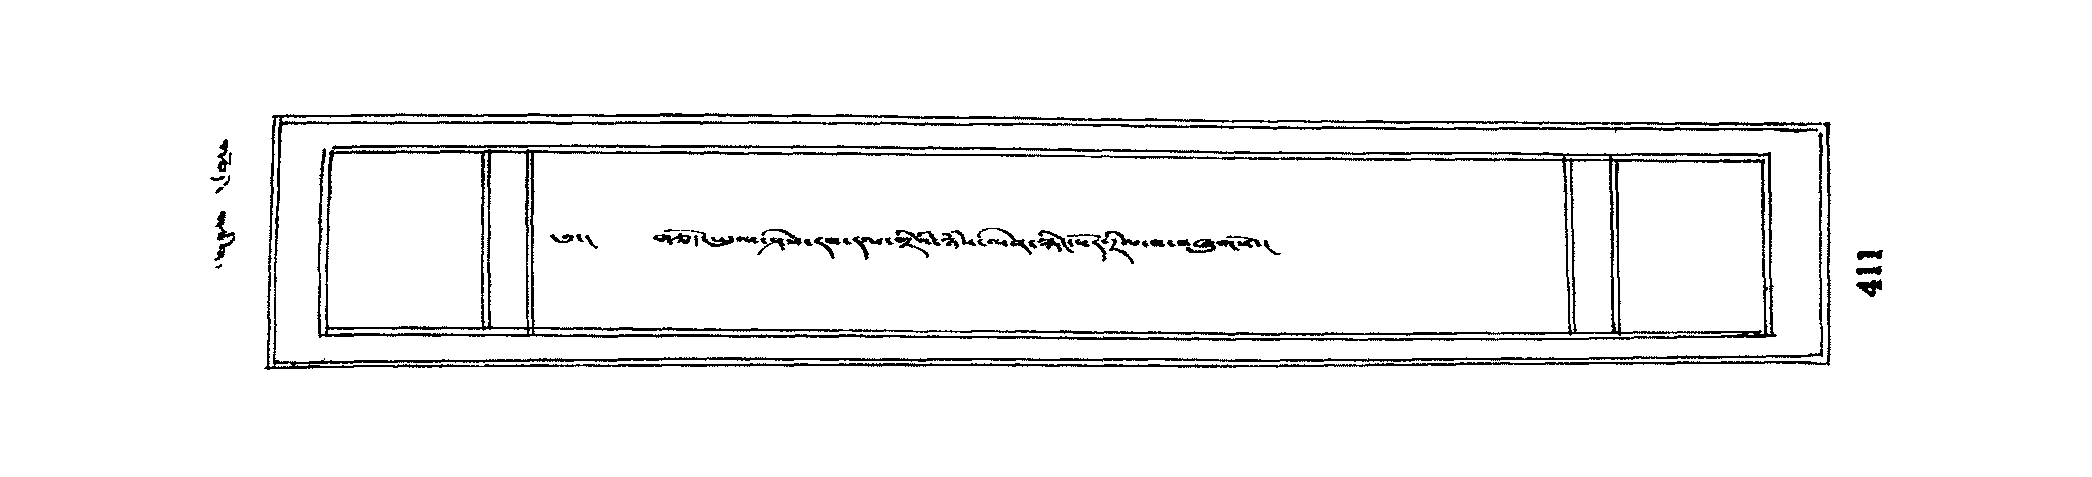༄༅། གཅོད་ཡུལ་ཤེས་རབ་རལ་གྲིའི་ཉམས་ལེན་སྙིང་པར་དྲིལ་བ་བཞུགས་སོ།